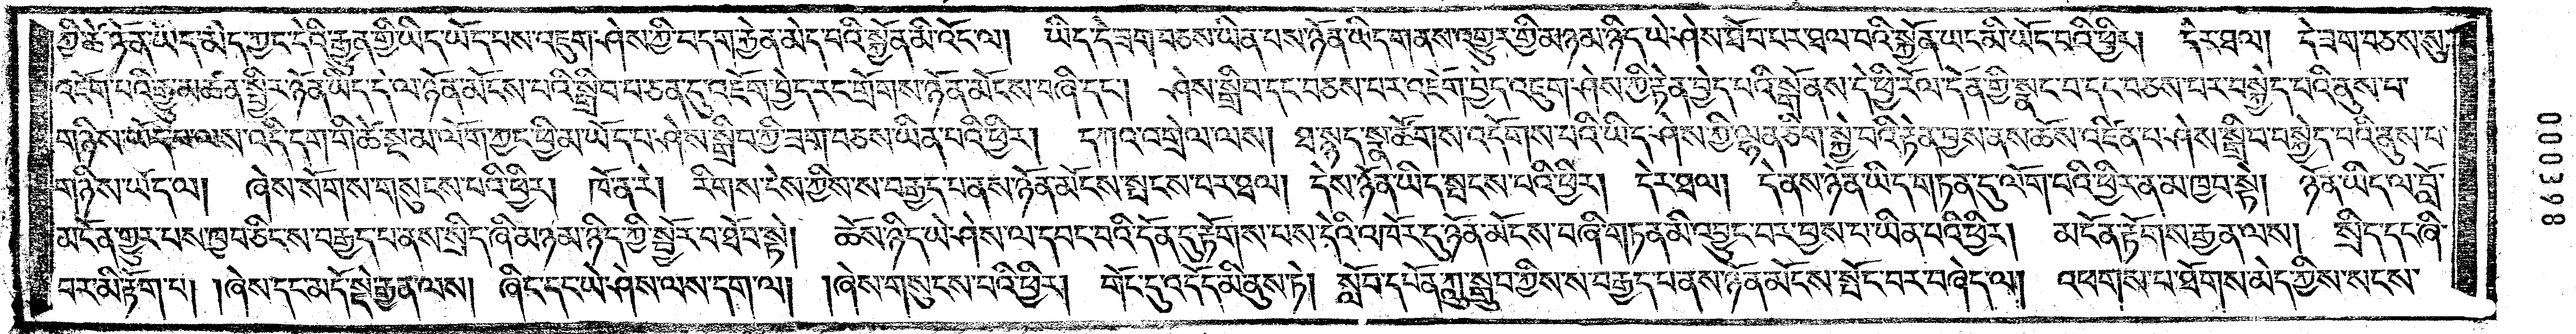ཀྱི་ཚེ་ཉོན་ཡིད་མེད་ཀྱང་དེའི་རྒྱུན་གྱི་ཡིད་ཡོད་བས་འཇུག་ཤེས་ཀྱི་བདག་རྐྱེན་མེད་བའི་སྐྱོན་མི་འོང་ལ། ཡིད་དེ་ཟག་བཅས་ཡིན་པས་ཉོན་ཡིད་གནས་འགྱུར་གྱི་མཉམ་ཉིད་ཡེ་ཤེས་ཐོབ་པར་ཐལ་བའི་སྐྱོན་ཡང་མི་ཡོང་བའི་ཕྱིར། དེར་ཐལ། དེ་ཟག་བཅས་སུ་
འཇོག་པའི་རྒྱུ་མཚན་སྤྱིར་ཉོན་ཡིད་དེ་ལ་ཉོན་མོངས་པའི་སྒྲིབ་བ་ཅན་དུ་འཇོག་བྱེད་རང་གྲོགས་ཉོན་མོངས་བཞི་དང་། ཤེས་སྒྲིབ་དང་བཅས་པར་འཇོག་བྱེད་འཇུག་ཤེས་ཀྱི་རྟེན་བྱེད་པའི་སྒོ་ནས་དེ་ཕྱི་རོལ་དོན་གྱི་སྣང་བ་དང་བཅས་པར་བསྐྱེད་པའི་ནུས་པ་
གཉིས་ཡོད་པ་ལས་འདི་དག་གི་ཚེ་སྔ་མ་ལོག་ཀྱང་ཕྱི་མ་ཡོད་བ་ཤེས་སྒྲིབ་ཀྱི་ཟག་བཅས་ཡིན་བའི་ཕྱིར། དཀའ་འགྲེལ་ལས། ཐ་སྙད་སྣ་ཚོགས་འདོགས་པའི་ཡིད་ཤེས་ཀྱི་ལྷན་ཅིག་སྐྱེ་བའི་རྟེན་བྱས་ནས་ཆོས་འཛིན་པ་ཤེས་སྒྲིབ་བསྐྱེད་པའི་ནུས་པ་
གཉིས་ཡོད་ལ། ཞེས་སོགས་གསུངས་པའི་ཕྱིར། ཁོ་ན་རེ། རིགས་ངེས་ཀྱིས་ས་བརྒྱད་པ་ནས་ཉོན་མོངས་སྤངས་པར་ཐལ། དེས་ཉོན་ཡིད་སྤངས་པའི་ཕྱིར། དེར་ཐལ། དེ་ནས་ཉོན་ཡིད་གཏན་དུ་ལོག་བའི་ཕྱིར་ནམ་ཁྱབ་སྟེ། ཉོན་ཡིད་ལ་བློ་
མངོན་གྱུར་པས་ཁྱབ་ཅིངས་བརྒྱད་པ་ནས་སྲིད་ཞི་མཉམ་ཉིད་ཀྱི་སྦྱོར་བ་ཐོབ་སྟེ། ཆོས་ཉིད་ཡེ་ཤེས་ལ་དབང་དབང་བའི་དོན་དུ་རྟོགས་པས་དེའི་འཁོར་དུ་ཉོན་མོངས་བཞི་གཏན་མི་འབྱུང་བར་བྱས་པ་ཡིན་པའི་ཕྱིར། མངོན་རྟོགས་རྒྱན་ལས། སྲིད་དང་ཞི་
པར་མིར་ཏོག་པ། །ཞེས་དང་མདོ་སྡེ་རྒྱན་ལས། ཞིང་དང་ཡེ་ཤེས་ལས་དག་ལ། །ཞེས་གསུངས་པའི་ཕྱིར། གོང་དུ་འདོད་མི་ནུས་ཏེ། སློབ་དཔོན་ཀླུ་སྒྲུབ་ཀྱིས་ས་བརྒྱད་པ་ནས་ཉོན་མོངས་སྤོང་བར་བཞེད་ལ། འཕགས་པ་ཐོགས་མེད་ཀྱིས་སངས་